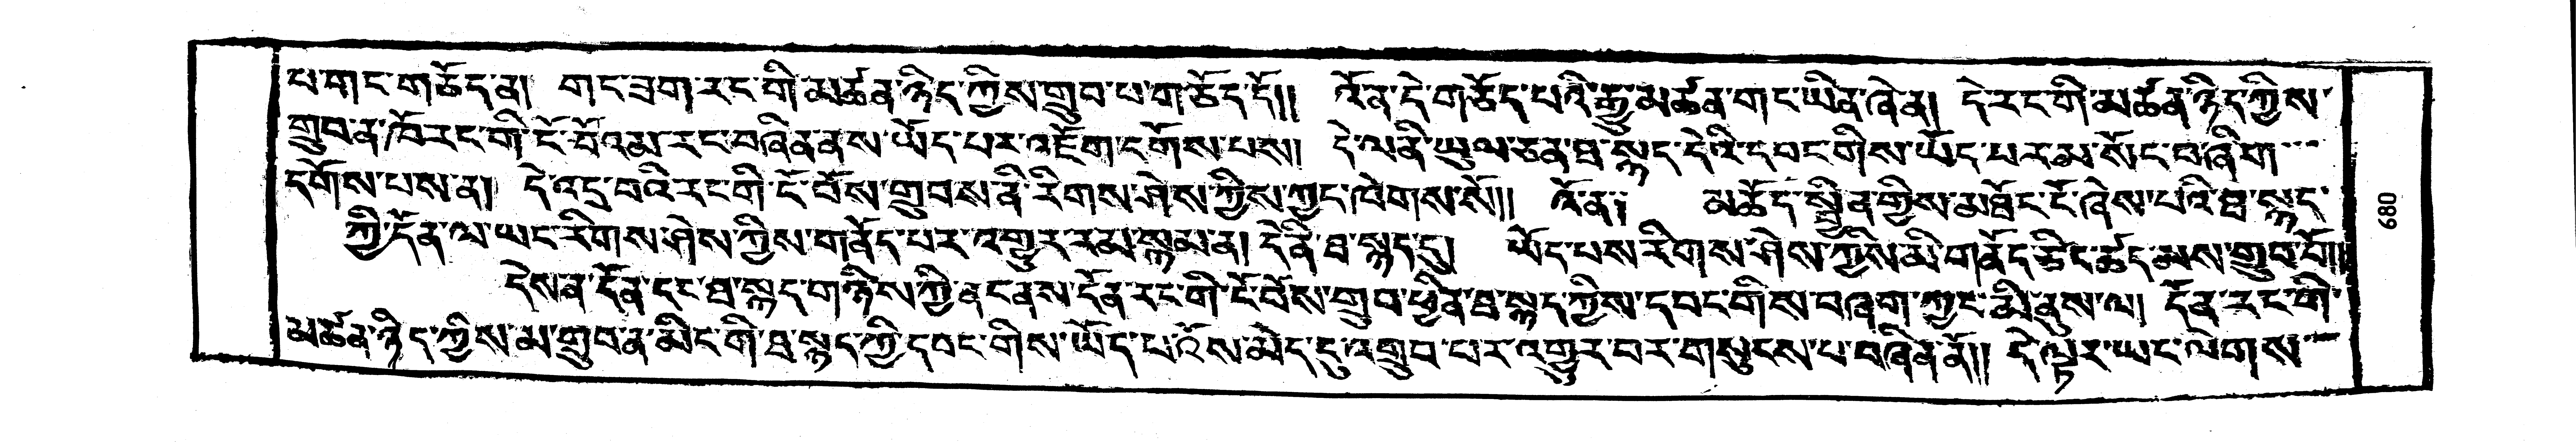པ་གང་གཅོད་ན། གང་ཟག་རང་གི་མཚན་ཉིད་ཀྱིས་གྲུབ་པ་གཅོད་དོ། །འོ་ན་དེ་གཅོད་པའི་རྒྱུ་མཚན་གང་ཡིན་ཞེ་ན། དེ་རང་གི་མཚན་ཉིད་ཀྱིས་
གྲུབ་ན་ཁོ་རང་གི་ངོ་བོའམ་རང་བཞིན་ནས་ཡོད་པར་འཇོག་དགོས་པས། དེ་ལ་ནི་ཡུལ་ཅན་ཐ་སྙད་དེའི་དབང་གིས་ཡོད་པར་མ་སོང་བ་ཞིག་
དགོས་པས་ན། དེ་འདྲ་བའི་རང་གི་ངོ་བོས་གྲུབས་ནི་རིགས་ཤེས་ཀྱིས་ཀྱང་ཁེགས་སོ། །འོ་ན། མཆོད་སྦྱིན་གྱིས་མཐོང་ངོ་ཞེས་པའི་ཐ་སྙད་
ཀྱི་དོན་ལ་ཡང་རིགས་ཤེས་ཀྱིས་གནོད་པར་འགྱུར་རམ་སྙམ་ན། དེ་ནི་ཐ་སྙད་དུ། ཡོད་པས་རིགས་ཤེས་ཀྱིས་མི་གནོད་ཅིང་ཚད་མས་གྲུབ་བོ། །
དེས་ན་དོན་དང་ཐ་སྙད་གཉིས་ཀྱི་ནང་ནས་དོན་རང་གི་ངོ་བོས་གྲུབ་ཕྱིན་ཐ་སྙད་ཀྱིས་དབང་གིས་བཞག་ཀྱང་མི་ནུས་ལ། དོན་རང་གི་
མཚན་ཉིད་ཀྱིས་མ་གྲུབ་ན་མིང་གི་ཐ་སྙད་ཀྱི་དབང་གིས་ཡོད་པ་འོས་མེད་དུ་འགྲུབ་པར་འགྱུར་བར་གསུངས་པ་བཞིན་ནོ། །དེ་ལྟར་ཡང་ལེགས་